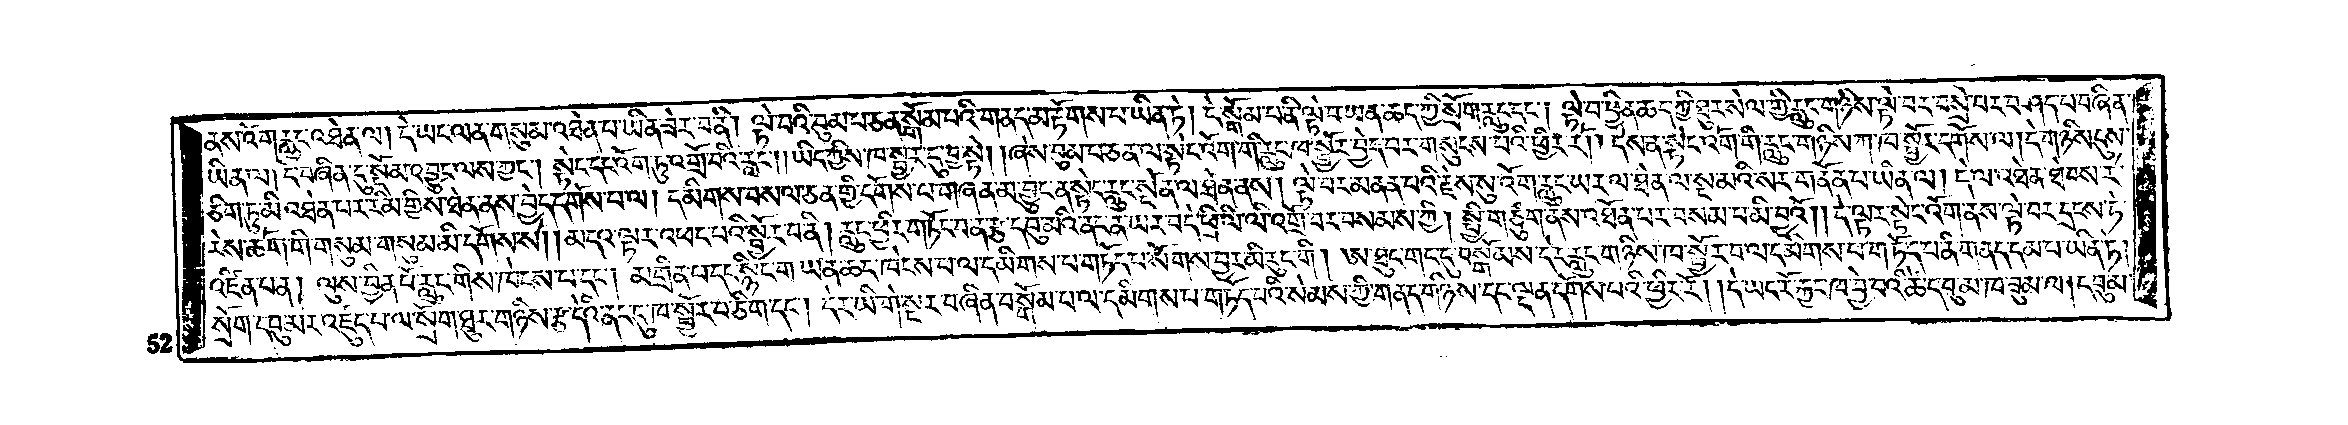ནས་འོག་རླུང་འཐེན་ལ། དེ་ཡང་ལན་གསུམ་འཐེན་པ་ཡིན་ཟེར་བ་ནི། ལྟེ་བའི་བུམ་པ་ཅན་སྒོམ་པའི་གནད་མ་རྟོགས་པ་ཡིན་ཏེ། དེ་སྒོམ་པ་ནི་ལྟེ་བ་ཡན་ཆད་ཀྱི་སྲོག་རླུང་དང་། ལྟེ་བ་ཕྱིན་ཆད་ཀྱི་ཐུར་སེལ་གྱི་རླུང་གཉིས་ལྟེ་བར་བསྲེ་བར་བཤད་པ་བཞིན་
ཡིན་ལ། དེ་བཞིན་དུ་སྡོམ་འབྱུང་ལས་ཀྱང་། སྟེང་དང་འོག་ཏུ་འགྲོ་བའི་རླུང་། །ཡིད་ཀྱིས་ཁ་སྦྱར་དུ་བྱ་སྟེ། །ཞེས་བུམ་པ་ཅན་ལ་སྟེང་འོག་གི་རླུང་ཁ་སྦྱོར་བྱེད་པར་གསུངས་པའི་ཕྱིར་རོ། །དེས་ན་སྟེང་འོག་གི་རླུང་གཉིས་ཀ་ཁ་སྦྱོར་དགོས་ལ། དེ་གཉིས་དུས་
ཅིག་ཏུ་མི་འཐེན་པར་རིམ་གྱིས་ཐེན་ནས་བྱེད་དགོས་པ་ལ། དམིགས་བསལ་ཅན་གྱི་དགོས་པ་གཞན་ན་བྱུང་ན་སྟེང་རླུང་སྔོན་ལ་ཐེན་ནས། ལྟེ་བར་མནན་པའི་རྗེས་སུ་འོག་རླུང་ཡར་ལ་ཐེན་ལ་སྔ་མའི་སར་གནོན་པ་ཡིན་ལ། དེ་ལ་འཐེན་ཐེབས་རེ་
རེས་ཆོག་གི་གསུམ་གསུམ་མི་དགོས་སོ། །མདའ་ལྟར་འཕང་པའི་སྦྱོར་བ་ནི། རླུང་ཕྱིར་གཏོང་བ་ན་རྩ་དབུ་མའི་ནང་ན་ཡར་བདེ་ཕྲི་ལི་ལི་འགྲེ་བར་བསམས་ཀྱི། སྤྱི་གཙུག་ནས་འཐོན་པར་བསམ་པ་མི་བྱའོ། །དེ་ལྟར་སྟེང་འོག་ནས་ལྟེ་བར་དྲངས་ཏེ་
འཛིན་པ་ན། ལུས་བྱིན་པོ་རླུང་གིས་ཁེངས་པ་དང་། མགྲིན་པ་དང་སྙིང་ག་ཡན་ཆད་ཁེངས་པ་ལ་དམིགས་པ་གཏོད་པ་སོགས་བྱར་མི་རུང་གི། ཨ་ཐུང་གང་དུ་བསྒོམས་དེར་རླུང་གཉིས་ཁ་སྦྱོར་བ་ལ་དམིགས་པ་གཏོད་པ་ནི་གནད་དམ་པ་ཡིན་ཏེ།
སྲོག་དབུ་མར་འཛུད་པ་ལ་སྲོག་ཐུར་གཉིས་རྩ་དེའི་ནང་དུ་ཁ་སྦྱོར་བ་ཅིག་དང་། དེར་ཡི་གེ་སྔར་བཞིན་བསྒོམ་པ་ལ་དམིགས་པ་གཏོད་པའི་སེམས་ཀྱི་གནད་གཉིས་དང་ལྡན་དགོས་པའི་ཕྱིར་རོ། །དེ་ཡང་རོ་རྐྱང་ཁ་བྱེ་བའི་ཚེ་དབུ་མ་ཁ་ཟུམ་ལ། དབུ་མ་